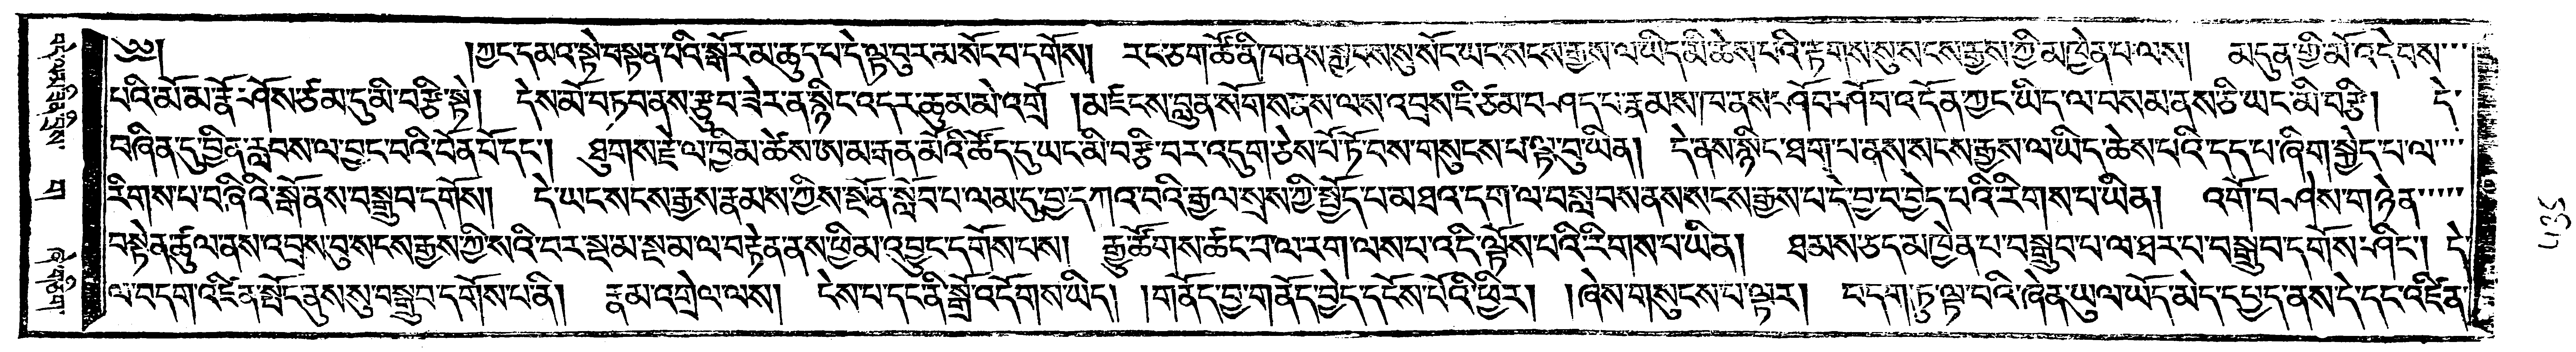༄༅། །ཀྱང་དམའ་སྟེ་བསྟན་པའི་སྒོར་མ་ཆུད་པ་དེ་ལྟ་བུར་མ་སོང་བ་དགོས། རང་ཅག་ཚོ་ནི་ཁ་ནས་སྐྱབས་སུ་སོང་ཡང་སངས་རྒྱས་ལ་ཡིད་མི་ཆེས་པའི་རྟགས་སུ་སངས་རྒྱས་ཀྱི་མཁྱེན་པ་ལས། མདུན་གྱི་མོ་འདེབས་
པའི་མོ་མ་རྣོ་ཤོས་ཙམ་དུ་མི་བརྩི་སྟེ། དེས་མོ་བཏབ་ནས་རྩུབ་ཟེར་ན་སྙིང་འདྲ་ཆུ་མ་མེ་འགྲོ་།མཛངས་བླུན་སོགས་ནས་ལས་འབྲས་ཇི་ཙམ་བཤད་པ་རྣམས་ཁ་ནས་ཤོབ་ཤོབ་འདོན་ཀྱང་ཡིད་ལ་བསམ་ནས་ཅི་ཡང་མི་བརྩི། དེ་
བཞིན་དུ་བྱིན་རླབས་ལ་བྱང་བའི་བོན་པོ་དང་། ཐུགས་རྗེ་ལ་ཁྱིམ་ཚེས་ཨ་མ་རྒན་མོའི་ཚོད་དུ་ཡང་མི་བརྩི་བར་འདུག་ཅེས་པོ་ཏོ་བས་གསུངས་པ་ལྟ་བུ་ཡིན། དེ་ནས་སྙིང་ཐག་པ་ནས་སངས་རྒྱས་ལ་ཡིད་ཆེས་པའི་དད་པ་ཞིག་སྐྱེད་པ་ལ་
རིགས་པ་བཞིའི་སྒོ་ནས་བསྒྲུབ་དགོས། དེ་ཡང་སངས་རྒྱས་རྣམས་ཀྱིས་སྔོན་སློབ་པ་ལམ་དུ་བྱ་དཀའ་བའི་རྒྱལ་སྲས་ཀྱི་སྤྱོད་པ་མཐའ་དག་ལ་བསླབས་ནས་སངས་རྒྱས་པ་དེ་བྱ་བ་བྱེད་པའི་རིགས་པ་ཡིན། འགོ་བཤེས་གཉེན་
བསྟེན་ཚུལ་ནས་འབྲས་བུ་སངས་རྒྱས་ཀྱི་སའི་བར་སྔ་མ་སྔ་མ་ལ་བརྟེན་ནས་ཕྱི་མ་འབྱུང་དགོས་པས། རྒྱུ་ཚོགས་ཚང་བ་ལ་རག་ལས་པ་འདི་ལྟོས་པའི་རིགས་པ་ཡིན། ཐམས་ཅད་མཁྱེན་པ་བསྒྲུབ་པ་ལ་ཐར་པ་བསྒྲུབ་དགོས་ཤིང་། དེ་
ལ་བདག་འཛིན་སྤོང་ནུས་སུ་བསྒྲུབ་དགོས་པ་ནི། རྣམ་འགྲེལ་ལས། ངེས་པ་དང་ནི་སྒྲོ་འདོགས་ཡིད། །གནོད་བྱ་གནོད་བྱེད་དངོས་པོའི་ཕྱིར། །ཞེས་གསུངས་པ་ལྟར། བདག་ཏུ་ལྟ་བའི་ཞེན་ཡུལ་ཡོད་མེད་དཔྱད་ནས་དེ་དང་འཛིན་